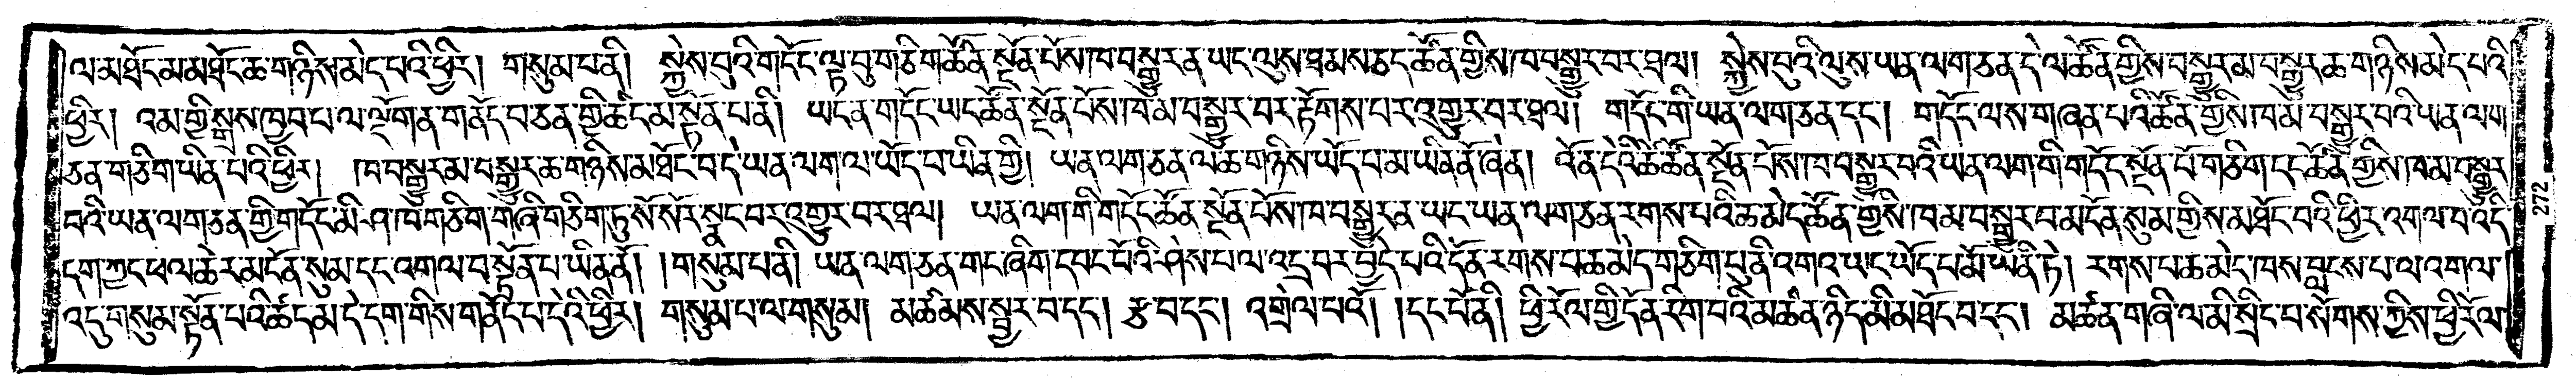ལ་མཐོང་མ་མཐོང་ཆ་གཉིས་མེད་པའི་ཕྱིར། གསུམ་པ་ནི། སྐྱེས་བུའི་གདོང་ལྟ་བུ་གཅིག་ཚོན་སྔོན་པོས་ཁ་བསྒྱུར་ན་ཡང་ལུས་ཐམས་ཅད་ཚོན་གྱིས་ཁ་བསྒྱུར་བར་ཐལ། སྐྱེས་བུའི་ལུས་ཡན་ལག་ཅན་དེ་ལ་ཚོན་གྱིས་བསྒྱུར་མ་བསྒྱུར་ཆ་གཉིས་མེད་པའི་
ཕྱིར། འམ་གྱི་སྒྲས་ཁྱབ་པ་ལ་ལྡོག་ན་གནོད་པ་ཅན་གྱི་ཚད་མ་སྟོན་པ་ནི། ཡང་ན་གདོང་ཡང་ཚོན་སྔོན་པོས་ཁ་མ་བསྒྱུར་བར་རྟོགས་པར་འགྱུར་བར་ཐལ། གདོང་གི་ཡན་ལག་ཅན་དང་། གདོང་ལས་གཞན་པའི་ཚོན་གྱིས་ཁ་མ་བསྒྱུར་བའི་ཡན་ལག་
ཅན་གཅིག་ཡིན་པའི་ཕྱིར། ཁ་བསྒྱུར་མ་བསྒྱུར་ཆ་གཉིས་མཐོང་བ་དེ་ཡན་ལག་ལ་ཡོད་པ་ཡིན་གྱི། ཡན་ལག་ཅན་ལ་ཆ་གཉིས་ཡོད་པ་མ་ཡིན་ནོ་ཞེ་ན། འོ་ན་དེའི་ཚེ་ཚོན་སྔོན་པོས་ཁ་བསྒྱུར་བའི་ཡན་ལག་གི་གདོང་སྔོན་པོ་གཅིག་དང་ཚོན་གྱིས་ཁ་མ་བསྒྱུར་
བའི་ཡན་ལག་ཅན་གྱི་གདོང་མི་ཤ་ཁ་གཅིག་གཞི་གཅིག་ཏུ་སོ་སོར་སྣང་བར་འགྱུར་བར་ཐལ། ཡན་ལག་གི་གདོང་ཚོན་སྔོན་པོས་ཁ་བསྒྱུར་ན་ཡང་ཡན་ལག་ཅན་རགས་པའི་ཆ་མེད་ཚོན་གྱིས་ཁ་མ་བསྒྱུར་བ་མངོན་སུམ་གྱིས་མཐོང་བའི་ཕྱིར་འགལ་བ་འདི་
དག་ཀྱང་ཕལ་ཆེར་མངོན་སུམ་དང་འགལ་བ་སྟོན་པ་ཡིན་ནོ། །གསུམ་པ་ནི། ཡན་ལག་ཅན་གང་ཞིག་དབང་པོའི་ཤེས་པ་ལ་འདྲ་བར་བྱེད་པའི་དོན་རགས་པ་ཆ་མེད་གཅིག་པུ་ནི་འགའ་ཡང་ཡོད་པ་མ་ཡིན་ཏེ། རགས་པ་ཆ་མེད་ཁས་བླངས་པ་ལ་འགལ་
འདུ་གསུམ་སྟོན་པའི་ཚད་མ་དེ་དག་གིས་གནོད་པ་དེའི་ཕྱིར། གསུམ་པ་ལ་གསུམ། མཚམས་སྦྱར་བ་དང་། རྩ་བ་དང་། འགྲེལ་པའོ། །དང་པོ་ནི། ཕྱི་རོལ་གྱི་དོན་རིག་པའི་མཚན་ཉིད་མི་མཐོང་བ་དང་། མཚན་གཞི་ལ་མི་སྲིད་པ་སོགས་ཀྱིས་ཕྱི་རོལ་